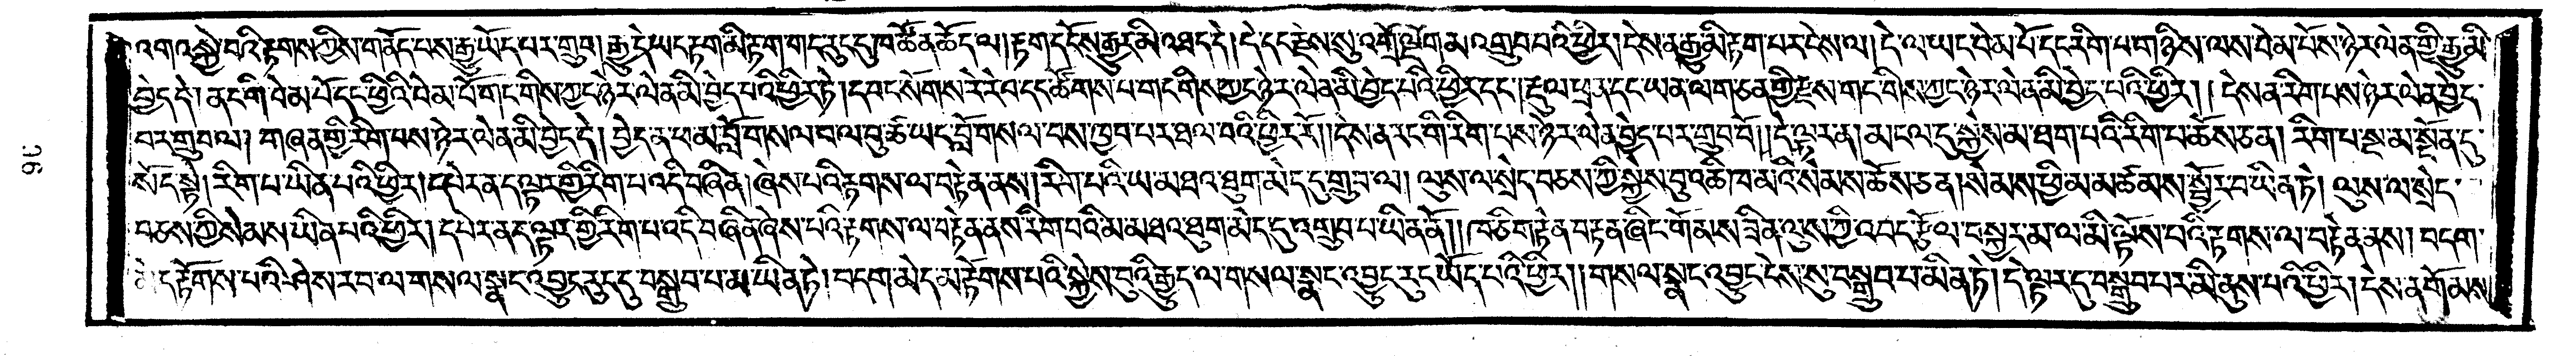འགའ་སྐྱེ་བའི་རྟགས་ཀྱིས་གནོད་པས་རྒྱུ་ཡོད་པར་གྲུབ། རྒྱུ་དེ་ཡང་རྟག་མི་རྟག་གང་རུང་དུ་ཁ་ཚོན་ཆོད་ལ། རྟག་དངོས་རྒྱུར་མི་འཐད་དེ། དེ་དང་རྗེས་སུ་འགྲོ་ལྡོག་མི་འགྲུབ་པའི་ཕྱིར། དེས་ན་རྒྱུ་མི་རྟག་པར་ངེས་ལ། དེ་ལ་ཡང་བེམ་པོ་དང་རིག་པ་གཉིས་ལས་བེམ་པོས་ཉེར་ལེན་གྱི་རྒྱུ་མི་
བྱེད་དེ། ནང་གི་བེམ་པོ་དང་ཕྱིའི་བེམ་པོ་གང་གིས་ཀྱང་ཉེར་ལེན་མི་བྱེད་པའི་ཕྱིར་ཏེ། དབང་སོགས་རེ་རེ་བ་དང་ཚོགས་པ་གང་གིས་ཀྱང་ཉེར་ལེན་མི་བྱེད་པའི་ཕྱིར་དང་། རྡུལ་ཕྲན་དང་ཡན་ལག་ཅན་གྱི་རྫས་གང་གིས་ཀྱང་ཉེར་ལེན་མི་བྱེད་པའི་ཕྱིར། དེས་ན་རིག་པས་ཉེར་ལེན་བྱེད་
པར་གྲུབ་ལ། གཞན་གྱི་རིག་པས་ཉེར་ལེན་མི་བྱེད་དེ། བྱེད་ན་ཕ་མ་བློ་གསལ་བ་ལ་བུ་ཚ་ཡང་བློ་གསལ་བས་ཁྱབ་པར་ཐལ་བའི་ཕྱིར་རོ། །དེས་ན་རང་གི་རིག་པས་ཉེར་ལེན་བྱེད་པར་གྲུབ་བོ། །དེ་ལྟར་ན། མངལ་དུ་སྐྱེས་མ་ཐག་པའི་རིག་པ་ཆོས་ཅན། རིག་པ་སྔ་མ་སྔོན་དུ་
སོང་སྟེ། རིག་པ་ཡིན་པའི་ཕྱིར། དཔེར་ན་ད་ལྟར་གྱི་རིག་པ་འདི་བཞིན། ཞེས་པའི་རྟགས་ལ་བརྟེན་ནས། རིག་པའི་ཡ་མཐའ་ཐུག་མེད་དུ་གྲུབ་ལ། ལུས་ལ་སྲེད་བཅས་ཀྱི་སྐྱེས་བུ་འཆི་ཁ་མའི་སེམས་ཆོས་ཅན། སེམས་ཕྱི་མ་མཚམས་སྦྱོར་བ་ཡིན་ཏེ། ལུས་ལ་སྲེད་
བཅས་ཀྱི་སེམས་ཡིན་པའི་ཕྱིར། དཔེར་ན་ད་ལྟར་གྱི་རིག་པ་འདི་བཞིན་ཞེས་པའི་རྟགས་ལ་བརྟེན་ནས་རིག་པའི་མ་མཐའ་ཐུག་མེད་དུ་འགྲུབ་པ་ཡིན་ནོ། །ཁ་ཅིག་རྟེན་བརྟན་ཞིང་གོམས་ཟིན་ལུས་ཀྱི་འབད་རྩོལ་བསྐྱར་མ་ལ་མི་ལྟོས་པའི་རྟགས་ལ་བརྟེན་ནས། བདག་
མེད་རྟོགས་པའི་ཤེས་རབ་ལ་གསལ་སྣང་འབྱུང་རུང་དུ་བསྒྲུབ་པ་མ་ཡིན་ཏེ། བདག་མེད་མ་རྟོགས་པའི་སྐྱེས་བུའི་རྒྱུད་ལ་གསལ་སྣང་འབྱུང་རུང་ཡོད་པའི་ཕྱིར། །གསལ་སྣང་འབྱུང་ངེས་སུ་བསྒྲུབ་པ་མིན་ཏེ། དེ་ལྟར་དུ་བསྒྲུབ་པར་མི་ནུས་པའི་ཕྱིར། དེས་ན་གོམས་